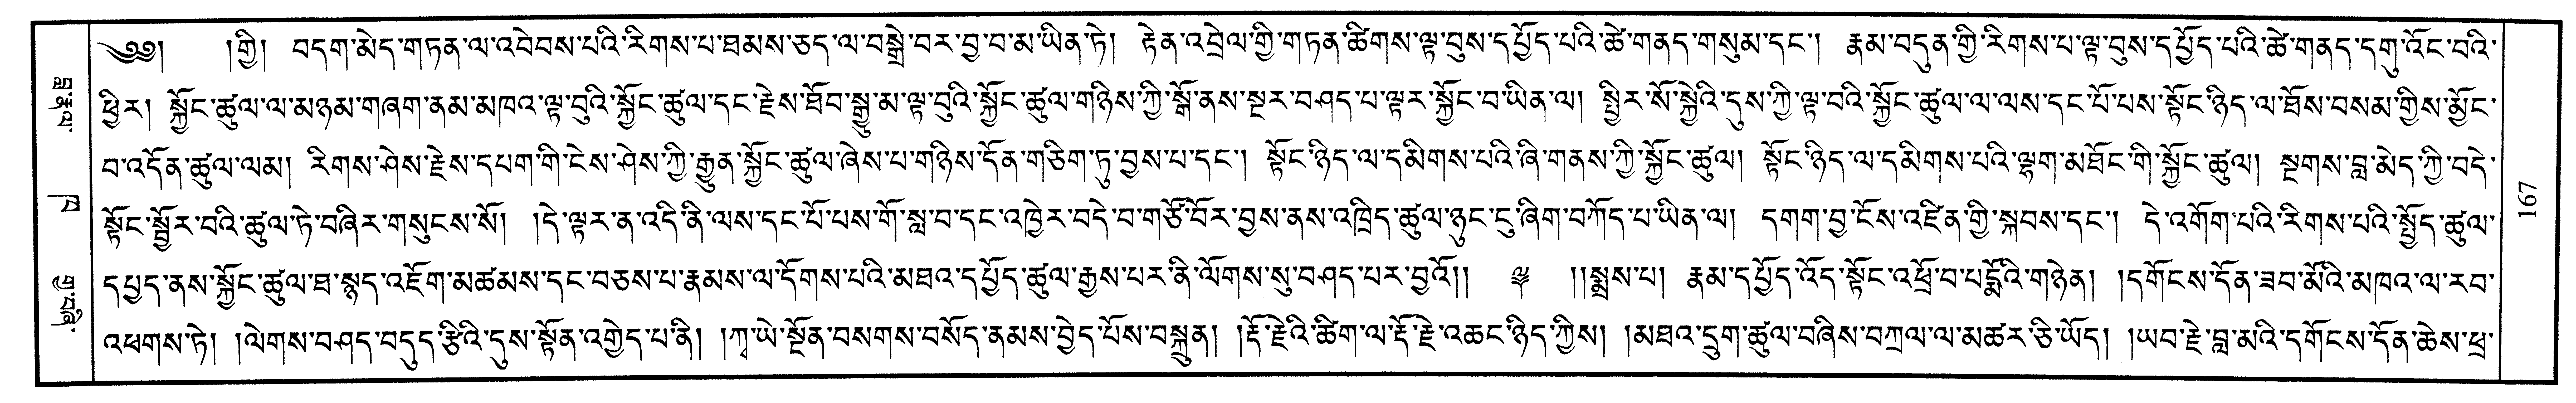༄༅། །གྱི། བདག་མེད་གཏན་ལ་འབེབས་པའི་རིགས་པ་ཐམས་ཅད་ལ་བསྒྲེ་བར་བྱ་བ་མ་ཡིན་ཏེ། རྟེན་འབྲེལ་གྱི་གཏན་ཚིགས་ལྟ་བུས་དཔྱོད་པའི་ཚེ་གནད་གསུམ་དང་། རྣམ་བདུན་གྱི་རིགས་པ་ལྟ་བུས་དཔྱོད་པའི་ཚེ་གནད་དགུ་འོང་བའི་
ཕྱིར། སྐྱོང་ཚུལ་ལ་མཉམ་གཞག་ནམ་མཁའ་ལྟ་བུའི་སྐྱོང་ཚུལ་དང་རྗེས་ཐོབ་སྒྱུ་མ་ལྟ་བུའི་སྐྱོང་ཚུལ་གཉིས་ཀྱི་སྒོ་ནས་སྔར་བཤད་པ་ལྟར་སྐྱོང་བ་ཡིན་ལ། སྤྱིར་སོ་སྐྱེའི་དུས་ཀྱི་ལྟ་བའི་སྐྱོང་ཚུལ་ལ་ལས་དང་པོ་པས་སྟོང་ཉིད་ལ་ཐོས་བསམ་གྱིས་མྱོང་
བ་འདོན་ཚུལ་ལམ། རིགས་ཤེས་རྗེས་དཔག་གི་ངེས་ཤེས་ཀྱི་རྒྱུན་སྐྱོང་ཚུལ་ཞེས་པ་གཉིས་དོན་གཅིག་ཏུ་བྱས་པ་དང་། སྟོང་ཉིད་ལ་དམིགས་པའི་ཞི་གནས་ཀྱི་སྐྱོང་ཚུལ། སྟོང་ཉིད་ལ་དམིགས་པའི་ལྷག་མཐོང་གི་སྐྱོང་ཚུལ། སྔགས་བླ་མེད་ཀྱི་བདེ་
སྟོང་སྦྱོར་བའི་ཚུལ་ཏེ་བཞིར་གསུངས་སོ། །དེ་ལྟར་ན་འདི་ནི་ལས་དང་པོ་པས་གོ་སླ་བ་དང་འཁྱེར་བདེ་བ་གཙོ་བོར་བྱས་ནས་འཁྲིད་ཚུལ་ཉུང་ངུ་ཞིག་བཀོད་པ་ཡིན་ལ། དགག་བྱ་ངོས་འཛིན་གྱི་སྐབས་དང་། དེ་འགོག་པའི་རིགས་པའི་སྤྱོད་ཚུལ་
དཔྱད་ནས་སྐྱོང་ཚུལ་ཐ་སྙད་འཇོག་མཚམས་དང་བཅས་པ་རྣམས་ལ་དོགས་པའི་མཐའ་དཔྱོད་ཚུལ་རྒྱས་པར་ནི་ལོགས་སུ་བཤད་པར་བྱའོ།། ༈ །།སྨྲས་པ། རྣམ་དཔྱོད་འོད་སྟོང་འཕྲོ་བ་པདམོའི་གཉེན། །དགོངས་དོན་ཟབ་མོའི་མཁའ་ལ་རབ་
འཕགས་ཏེ། །ལེགས་བཤད་བདུད་རྩིའི་དུས་སྟོན་འགྱེད་པ་ནི། །ཀྭ་ཡེ་སྔོན་བསགས་བསོད་ནམས་བྱེད་པོས་བསྐྲུན། །རྡོ་རྗེའི་ཚིག་ལ་རྡོ་རྗེ་འཆང་ཉིད་ཀྱིས། །མཐའ་དྲུག་ཚུལ་བཞིས་བཀྲལ་ལ་མཚར་ཅི་ཡོད། །ཡབ་རྗེ་བླ་མའི་དགོངས་དོན་ཆེས་ཕྲ་